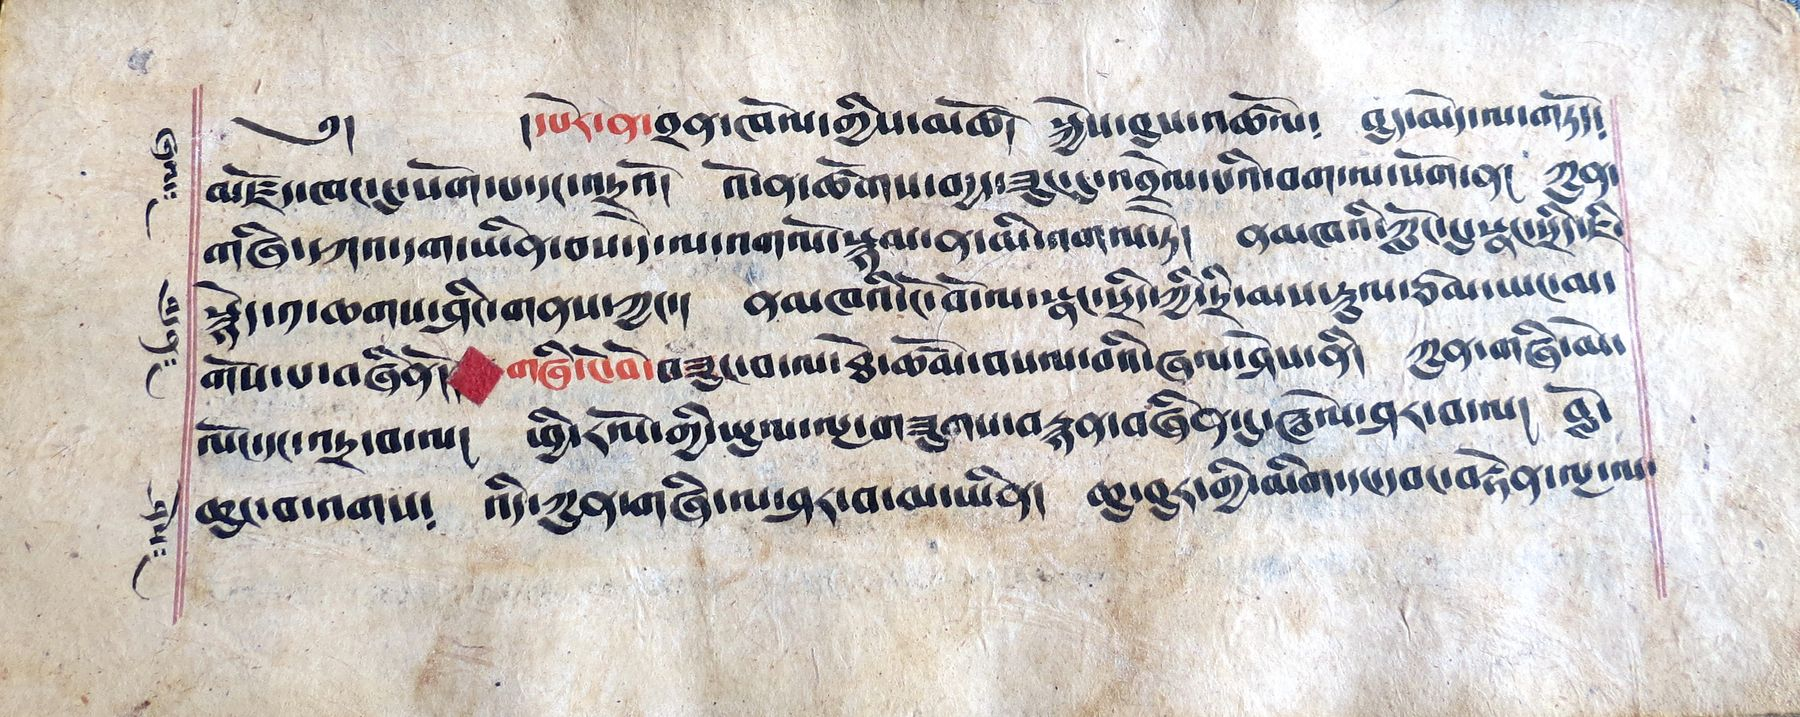དཔེར་ན་བྲན་གྱིས་འཚོ། སྐྱེས་བུས་སོག བུད་མེད་ལ་གཏོད། 
མཛོད་ཁང་དུ་སོག་པ་དང་འདྲའོ། ། འོ་ན་ཚོགས་བརྒྱད་ཟུང་དུ་འབྲེལ་བའི་བག་ལ་སོག་ན། ཀུན་
གཞི་ཀ་དག་ཡིན་པ་དེ་ལ་འགལ་ལོ་སྙམ་ན། མི་འགལ་ཏེ། ནམ་མཁའི་ཀློང་དུ་སྣང་སྲིད་ཅི་
སྙེད་ཅིག་ཆགས་ཤིང་གནས་ཀྱང་། ནམ་མཁའི་ངོ་བོ་ལ་སྣང་སྲིད་ཀྱི་དྲི་མས་རྡུལ་ཙམ་ཡང་མ་
གོས་པ་བཞིན་ནོ། ། གཞི་ངོ་ཡིས་བཟུང་བ་ལ་ཐེ་ཚོམ་གསལ་བའི་ཞལ་ཤེས་ནི། ཀུན་གཞི་མེ་
ལོང་དང་འདྲ་བ་ལ། ཕྱི་རོལ་གྱི་ཡུལ་ལྔ་གཟུགས་བརྙན་བཞིན་དུ་ཝལ་ལེར་ཤར་བ་ལ། བློ་
ཆུང་འགས་འདི་ཀུན་གཞི་ལ་ཤར་བ་མ་ཡིན། ཆུ་བུར་གྱི་མིག་དང་དབང་རྟེན་ལྔ་ལ་